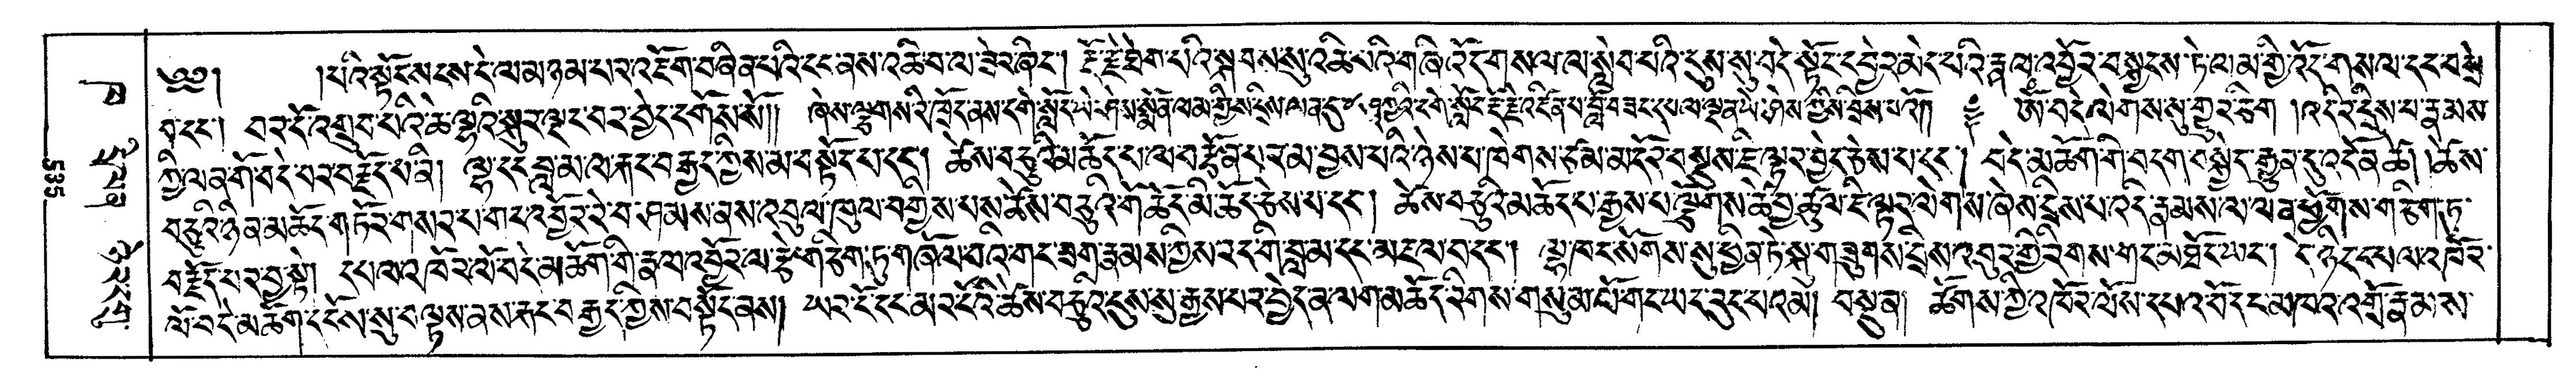༄༅། །པའི་སྟོང་སངས་དེ་ལ་མཉམ་པར་འཇོག་བཞིན་བའི་ངང་ནས་འཆི་བ་ལ་ཟེར་ཞིང་། རྡོ་རྗེ་ཐེག་པའི་སྐབས་སུ་འཆི་བའི་གཞི་འོད་གསལ་ལ་སླེབ་པའི་དུས་སུ་བདེ་སྟོང་དབྱེར་མེད་པའི་རྣལ་འབྱོར་བསྐྱངས་ཏེ་ལམ་གྱི་འོད་གསལ་དང་བསྲེ་
བ་དང་། བར་དོ་འགྲུབ་པའི་ཚེ་ལྷའི་སྐུར་ལྡང་བར་བྱེད་དགོས་སོ།། ཞེས་ལྕགས་རི་ཁྲོད་ནས་དགེ་སློང་ཡེ་ཤེས་སྨོན་ལམ་གྱིས་དྲིས་ལན་དུ་༧་ཤཱཀྱའི་དགེ་སློང་རྡོ་རྗེ་འཛིན་པ་བློ་གཟང་དཔལ་ལྡན་ཡེ་ཤེས་ཀྱིས་བྲིས་པའོ།། ༈ ཨོཾ་བདེ་ལེགས་སུ་གྱུར་ཅིག །འདིར་དྲིས་པ་རྣམས་
ཀྱི་ལན་གོ་བདེ་བར་བརྗོད་པ་ནི། ལྷ་དང་བླ་མ་ལ་རྐད་བརྒྱད་ཀྱིས་མ་བསྟོད་པ་དང་། ཚེས་བཅུའི་མཆོད་པ་ལ་བརྩོན་པར་མ་བྱས་པའི་ཉེས་པ་ཁེགས་ཙམ་མདོར་བསྡུས་ཇི་ལྟར་བྱེད་ཅེས་པ་དང་། བདེ་མཆོག་གི་བདག་བསྐྱེད་རྒྱུན་དུ་འདོན་ཚེ། །ཚེས་
བཅུའི་ཉིན་མཆོད་གཏོར་གསར་པ་གང་འབྱོར་རེ་བཤམས་ནས་འབུལ་ཁུལ་བགྱིས་པས་ཚེས་བཅུའི་གོ་ཆོད་མི་ཆོད་ཅེས་པ་དང་། ཚེས་བཅུའི་མཆོད་པ་རྒྱས་པ་ལྕོགས་ཚེ་བྱ་ཚུལ་ཇི་ལྟར་ལེགས་ཞེས་དྲིས་པ་འདི་རྣམས་ལ་ལན་ཕྱོགས་གཅིག་ཏུ་
བརྗོད་བར་བྱ་སྟེ། དཔལ་འཁོར་ལོ་བདེ་མཆོག་གི་རྣལ་འབྱོར་ལ་རྩེ་གཅིག་ཏུ་གཞོལ་བའི་གང་ཟག་རྣམས་ཀྱིས་རང་གི་བླ་མ་དང་མཇལ་བ་དང་། ལྷ་ཁང་སོགས་སུ་ཕྱིན་ཏེ་སྐུ་གཟུགས་བྲིས་འབུར་གྱི་རིགས་གང་མཐོང་ཡང་། དེ་ཉིད་དཔལ་འཁོར་
ལོ་བདེ་མཆོག་དངོས་སུ་བལྟས་ནས་རྐང་བརྒྱད་ཀྱིས་བསྟོད་ནས། ཡར་ངོ་དང་མར་ངོའི་ཚེས་བཅུའི་དུས་སུ་རྒྱས་པར་བྱེད་ན་ལག་མཆོད་རིགས་གསུམ་པོ་གང་ཡང་རུང་བའམ། བསྡུ་ན། ཚོགས་ཀྱི་འཁོར་ལོས་དཔའ་བོ་དང་མཁའ་འགྲོ་རྣམས་